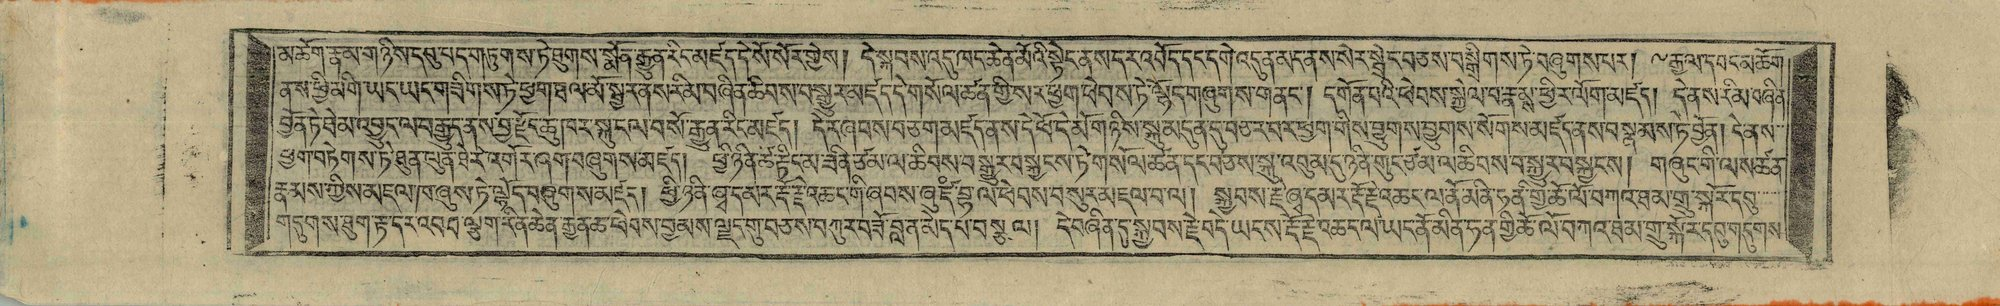མཆོག་རྣམ་གཉིས་དབུ་པད་གཏུགས་ཏེ་ཐུགས་སྨོན་རྒྱུན་རིང་མཛད་དེ་སོ་སོར་གྱེས། དེ་སྐབས་འདུ་ཁང་ཆེན་མོའི་སྟེང་ནས་དར་འབོད་དང་དགེ་འདུན་མང་ནས་སེར་སྦྲེང་བཅས་བསྒྲིགས་ཏེ་བཞུགས་པར། ༧རྒྱལ་དབང་མཆོག་
ནས་ཕྱི་མིག་ཡང་ཡང་གཟིགས་ཏེ་ཕྱག་ཐལ་མོ་སྦྱར་ནས་རིམ་བཞིན་ཆིབས་བསྒྱུར་མཛད་དེ་གསོལ་ཚན་གྱི་སར་ཕྱག་ཕེབས་ཏེ་ལྷོད་གཞུགས་གནང་། དགོན་པའི་ཕེབས་སྐྱེལ་བ་རྣམས་ཕྱིར་ལོག་མཛད། དེ་ནས་རིམ་བཞིན་
བྱོན་ཏེ་ཐེམ་འབྱུང་ལ་བརྒྱུད་ནས་བྱ་རྫོང་ཆུ་ཁར་སྐུ་ངལ་བསོ་རྒྱུན་རིང་མཛད། དེར་ཞབས་བཅག་མཛད་ནས་དེ་ཕོ་དེ་མོ་གཉིས་སྐུ་མདུན་དུ་བཅར་བར་ཕྱག་གིས་བྱུགས་བྱུགས་སོགས་མཛད་ནས་བསྣམས་ཏེ་བྱོན། དེ་ནས་
ཕྱག་བཏེགས་ཏེ་ཐུན་ལུན་ཐེ་རེ་འགོར་ཞག་བཞུགས་མཛད། ཕྱི་ཉིན་ཚ་རྟིང་མ་ཟིན་ཙམ་ལ་ཆིབས་བསྒྱུར་བསྐྱངས་ཏེ་གསོལ་ཚན་དང་བཅས་སྐུ་འབུམ་དུ་ཉིན་གུང་ཙམ་ལ་ཆིབས་བ་སྒྱུར་བསྐྱངས། གཞུང་གི་ལས་ཚན་
རྣམས་ཀྱིས་མཇལ་ཁ་ཞུས་ཏེ་ལྷོད་བཞུགས་མཛད། ཕྱི་ཉིན་ཞྭ་དམར་རྡོ་རྗེ་འཆང་གི་ཞབས་ཞུ་ཛཾ་བྷ་ལ་ཕེབས་བ་སུར་མཇལ་བ་ལ། སྐྱབས་རྗེ་ཞྭ་དམར་རྡོ་རྗེ་འཆང་ལ་ནོ་མིན་ཧན་གྱི་ཆོ་ལོ་བཀའ་ཐམ་གྲུ་སྐོར་དབུ་
གདུགས་ཐུག་རྟ་དར་འབབ་ལྕག་རིན་ཆེན་རྒྱན་ཆ་ཕེབས་བྱམས་ལྗང་གུ་བཅས་བཀུར་བཟོ་བླ་ན་མེད་པ་བསྩལ། དེ་བཞིན་དུ་སྐྱབས་རྗེ་བདེ་ཡངས་རྡོ་རྗེ་འཆང་ལ་ཡང་ནོ་མིན་ཧན་གྱི་ཆོ་ལོ་བཀའ་ཐམ་གྲུ་སྐོར་དབུ་གདུགས་